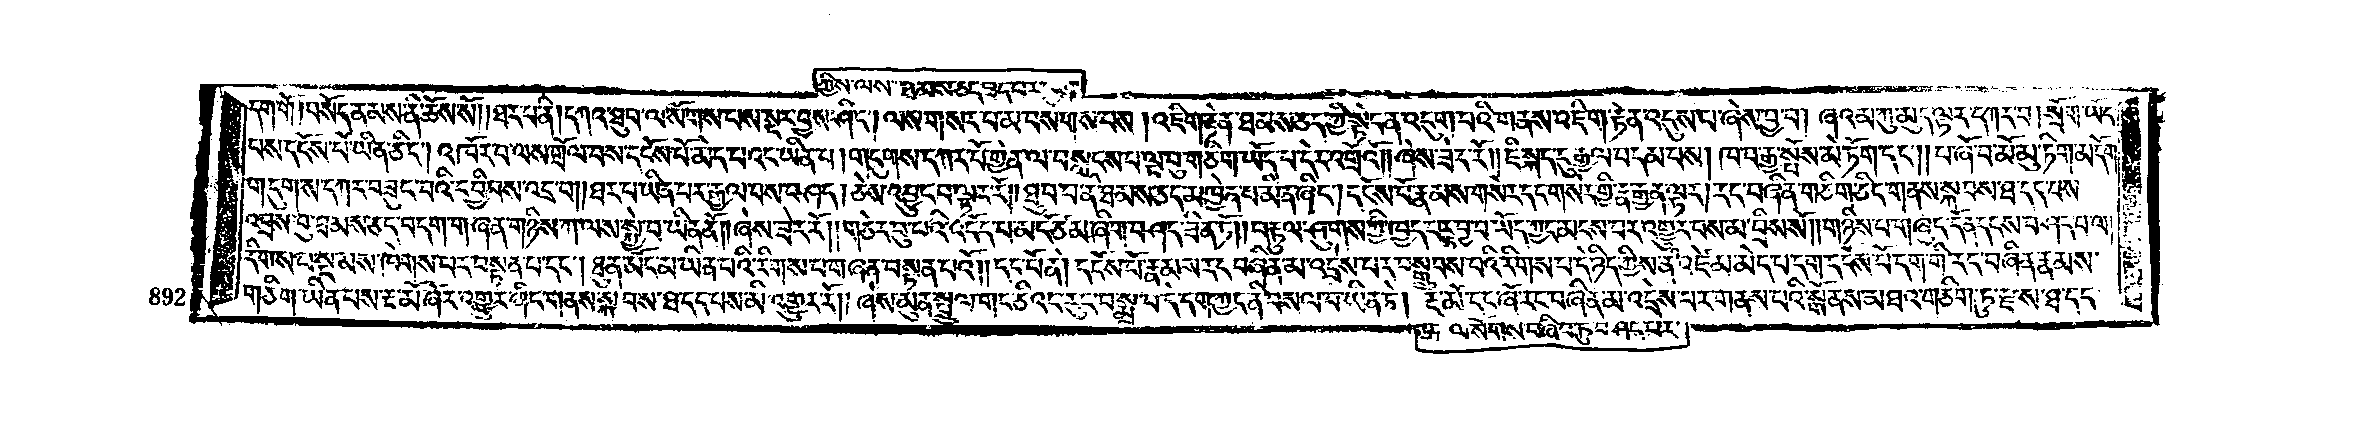དག་གོ། བསོད་ནམས་ནི་ཆོས་སོ། །ཐར་པ་ནི། དཀའ་ཐུབ་ལ་སོགས་པས་སྔར་བྱས་ཤིང་། ལས་གསར་བ་མ་ཀྱིས་ལས་ཐམས་ཅད་ཟད་པར་བསགས་པས། འཇིག་རྟེན་ཐམས་ཅད་ཀྱི་སྟེང་ན་འདུག་པའི་གནས་འཇིག་རྟེན་འདུས་པ་ཞེས་བྱ་བ། ཞའམ་ཀུ་མུད་ལྟར་དཀར་བ། སྲོག་ཡོད་
པས་དངོས་པོ་ཡིན་ཅིང་། འཁོར་བ་ལས་གྲོལ་བས་དངོས་པོ་མེད་པའང་ཡིན་པ། གདུགས་དཀར་པོ་གྱེན་ལ་བསླངས་པ་ལྟ་བུ་གཅིག་ཡོད་པ་དེར་འགྲོའོ། །ཞེས་ཟེར་རོ། །ཇི་སྐད་དུ་རྒྱ་བ་དམ་པས། ཁ་བརྒྱ་སྤོས་མེ་ཏོག་དང་། །པ་ཞོ་བ་མོ་མུ་ཏིག་མདོག་
གདུགས་དཀར་བཟུང་བའི་དབྱིབས་འདྲ་བ། །ཐར་པ་ཡིན་པར་རྒྱལ་བས་བཤད། ཅེས་འབྱུང་བ་ལྟར་རོ། །ཐུབ་པ་ནི་ཐམས་ཅད་མཁྱེན་པ་མིན་ཞིང་། དངོས་པོ་རྣམས་གསེར་དང་གསེར་གྱི་རྣ་རྒྱན་ལྟར། རང་བཞིན་གཅིག་ཅིང་གནས་སྐབས་ཐ་དད་པས་
འབྲས་བུ་ཐམས་ཅད་བདག་གཞན་གཉིས་ཀ་ལས་སྐྱེ་བ་ཡིན་ནོ། །ཞེས་ཟེར་རོ། །གཅེར་བུ་པའི་འདོད་པ་མདོ་ཙམ་གཞི་བཤད་ཟིན་ཏོ། །བརྟུལ་ཤུགས་ཀྱི་ཁྱད་པར་བྱ་བ་ཡོད་ཀྱང་མངས་པར་འགྱུར་བས་མ་བྲིས་སོ། །གཉིས་པ་གཞུང་དོན་དངོས་བཤད་པ་ལ།
རིགས་པ་སྔ་མས་ཁེགས་པར་བསྟན་པ་དང་། ཐུན་མོང་མ་ཡིན་པའི་རིགས་པ་གཞན་བསྟན་པའོ། །དང་པོ་ནི། དངོས་པོ་རྣམས་རང་བཞིན་མ་འདྲེས་པར་བསྒྲུབས་པའི་རིགས་པ་དེ་ཉིད་ཀྱིས་ནི་འཛེམ་མེད་པ་དག་དངོས་པོ་དག་གི་རང་བཞིན་རྣམས་
གཅིག་ཡིན་པས་རྔ་མོ་ཞོར་འགྱུར་ཞིང་གནས་སྐབས་ཐ་དད་པས་མི་འགྱུར་རོ། །ཞེས་མུན་སྤྲུལ་གང་ཅིའང་རུང་བ་སྨྲ་བ་དེ་དག་ཀྱང་ནི་བསལ་བ་ཡིན་ཏེ། རྔ་མོ་དང་ཞོ་རང་བཞིན་མ་འདྲེས་པར་ལ་སོགས་པ་ཞིབ་ཏུ་བཤད་པར་གནས་པའི་སྒོ་ནས་མཐའ་གཅིག་ཏུ་རྫས་ཐ་དད་